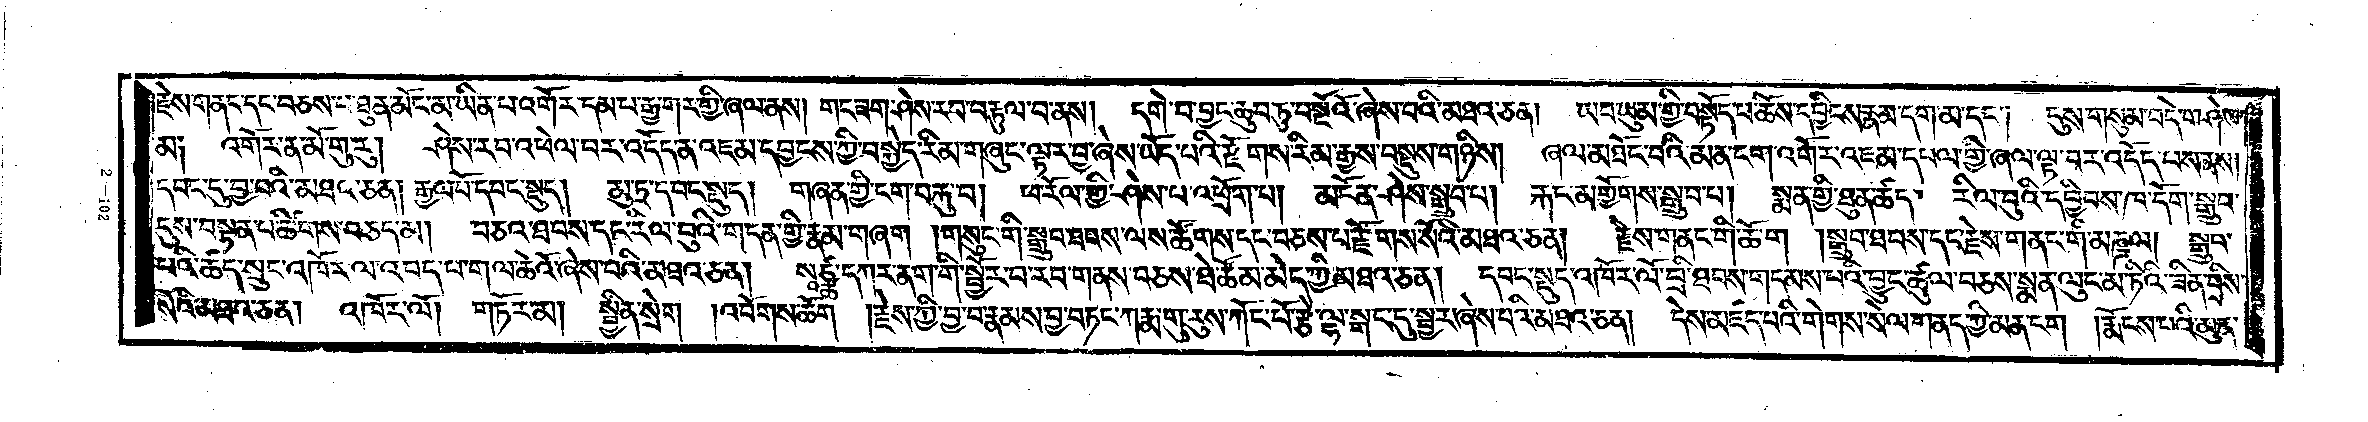རྗེས་གནང་དང་བཅས་པ་ཐུན་མོང་མ་ཡིན་པ་འགོར་དམ་པ་རྒྱ་གར་གྱི་ཞལ་ནས། གང་ཟག་ཤེས་རབ་བརྟུལ་བ་ནས། དགེ་བ་བྱང་ཆུབ་ཏུ་བསྔོའོ་ཞེས་པའི་མཐའ་ཅན། ཡབ་ཡུམ་གྱི་བསྟོད་པ་ཆོས་དབྱིངས་རྣམ་དག་མ་དང་། དུས་གསུམ་བདེ་གཤེས་
མ༑ འགོར་ན་མོ་གུ་རུ། ཤེས་རབ་འཕེལ་བར་འདོད་ན་འཇམ་དབྱངས་ཀྱི་བསྐྱེད་རིམ་གཞུང་ལྟར་བྱ་ཞེས་ཡོད་པའི་རྫོགས་རིམ་རྒྱས་བསྡུས་གཉིས། ཞལ་མཐོང་བའི་མན་ངག་འགོར་འཇམ་དཔལ་གྱི་ཞལ་ལྟ་བར་འདོད་པས་ནས།
དབང་དུ་བྱ་བའི་མཐའ་ཅན། རྒྱལ་པོ་དབང་སྡུད། མུ་ཏྲ་དབང་སྡུད། གཞན་གྱི་ངག་བརྐུ་བ། ཕ་རོལ་གྱི་ཤེས་པ་འཕྲོག་པ། མངོན་ཤེས་སྒྲུབ་པ། རྐང་མགྱོགས་སྒྲུབ་པ། སྨན་གྱི་ཐུན་ཚད། རིལ་བུའི་དབྱིབས་ཁ་དོག་སྒྲུབ་
དུས་བསྟན་པ་ཚིགས་བཅད་མ། བཅའ་ཐབས་དང་རིལ་བུའི་གདན་གྱི་རྣམ་གཞག །གསུང་གི་སྒྲུབ་ཐབས་ལས་ཚོགས་དང་བཅས་པ་རྫོགས་སོའི་མཐའ་ཅན། རྗེས་གནང་གི་ཆོ་ག །སྒྲུབ་ཐབས་དང་རྗེས་གནང་གི་མཎྜལ། སྒྲུབ་
པའི་ཚད་སྲུང་འཁོར་ལ་འབད་པ་གལ་ཆེའོ་ཞེས་པའི་མཐའ་ཅན། སཱཙྪ་དཀར་ནག་གི་སྦྱོར་བ་རབ་གནས་བཅས་ཐེ་ཚོམ་མེད་ཀྱི་མཐའ་ཅན། དབང་སྡུད་འཁོར་ལོ་བྲི་ཐབས་གདམས་པའི་བྱུང་ཚུལ་བཅས་སྨན་ལུང་མ་ཏིའི་ཟིན་བྲིས་
སོའི་མཐའ་ཅན། འཁོར་ལོ། གཏོར་མ། སྦྱིན་སྲེག །འབོགས་ཆོག །རྗེས་ཀྱི་བྱ་བ་རྣམས་བྱ་བཏང་ཀརྨ་གུ་རུས་ཀོང་པོ་རྩེ་ལྷ་སྒང་དུ་སྦྱར་ཞེས་པའི་མཐའ་ཅན། དེས་མཛད་པའི་གེགས་སེལ་གནད་ཀྱི་མན་ངག །རྨོངས་པའི་མུན་